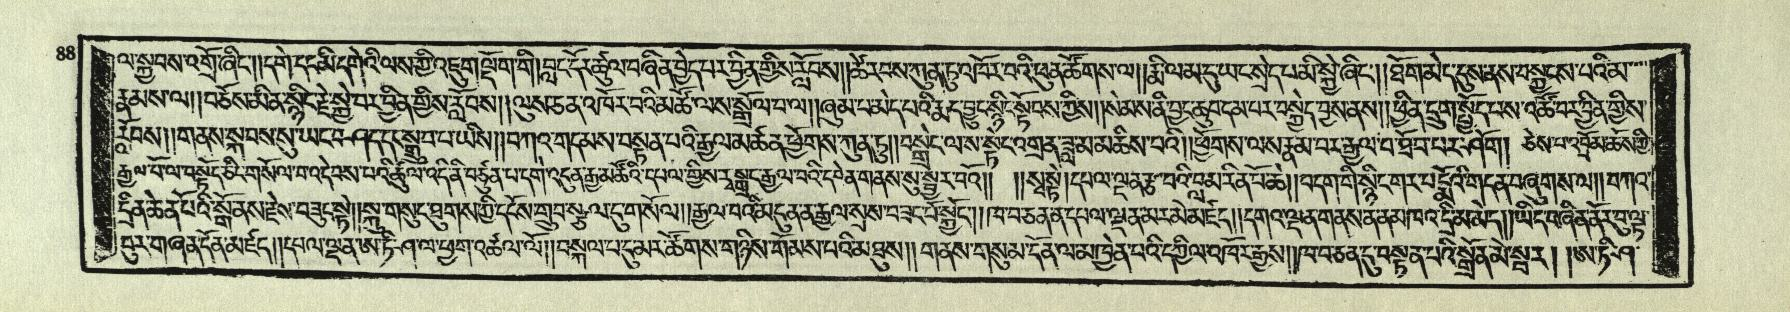ལ་སྐྱབས་འགྲོ་ཞིང་། །དགེ་དང་མི་དགེའི་ལས་ཀྱི་འཇུག་ལྡོག་གི། །བླང་དོར་ཚུལ་བཞིན་བྱེད་པར་བྱིན་གྱིས་རློབས། །ཚེ་རབས་ཀུན་ཏུ་འཁོར་བའི་ཕུན་ཚོགས་ལ། །རྨི་ལམ་དུ་ཡང་སྲེད་པ་མི་སྐྱེ་ཞིང་། །ཐོག་མེད་དུས་ནས་བསྐྱངས་པའི་མ་
རྣམས་ལ། །བཅོས་མིན་སྙིང་རྗེ་སྐྱེ་བར་བྱིན་གྱིས་རློབས། །ལུས་ཅན་འཁོར་བའི་མཚོ་ལས་སྒྲོལ་བ་ལ། །ཞུམ་པ་མེད་པའི་རྨད་བྱུང་སྙིང་སྟོབས་ཀྱིས། །སེམས་ནི་བྱང་ཆུབ་དམ་པར་བསྐྱེད་བྱས་ནས། །ཕྱིན་དྲུག་སྤྱོད་པས་འཚོ་བར་བྱིན་གྱིས་
རློབས། །གནས་སྐབས་སུ་ཡང་བཤད་དང་སྒྲུབ་པ་ཡིས། །བཀའ་གདམས་བསྟན་པའི་རྒྱལ་མཚན་ཕྱོགས་ཀུན་ཏུ། །བསྒྲེང་ལས་སྟེང་འགྲན་ཟླ་མ་མཆིས་པའི། །ཕྱོགས་ལས་རྣམ་པར་རྒྱལ་བ་ཐོབ་པར་ཤོག། ཅེས་པ་འབྲོམ་ཆོས་ཀྱི་
རྒྱལ་པོ་ལ་བསྟོད་ཅིང་གསོལ་བ་འདེབས་པའི་ཚུལ་འདི་ནི་བཙུན་པ་དགེ་འདུན་རྒྱ་མཚོའི་དཔལ་གྱིས་རྭ་སྒྲང་རྒྱལ་བའི་དབེན་གནས་སུ་སྦྱར་བའོ།། །།སྭསྟེ། དཔལ་ལྡན་རྩ་བའི་བླ་མ་རིན་པོ་ཆེ། །བདག་གི་སྙིང་གར་པདམོའི་གདན་བཞུགས་ལ། །བཀའ་
དྲིན་ཆེན་པོའི་སྒོ་ནས་རྗེས་བཟུང་སྟེ། །སྐུ་གསུང་ཐུགས་དངོས་གྲུབ་སྩལ་དུ་གསོལ། །རྒྱལ་བའི་མདུན་ན་རྒྱལ་སྲས་བཟང་པོ་སྐྱོང་། །ཁ་བ་ཅན་ན་དཔལ་ལྡན་མར་མེད་མཛད། །དགའ་གནས་ན་ནམ་མཁའ་དྲི་མ་མེད། །ཡིད་བཞིན་ནོར་བུ་ལྟ་
བུར་གཞན་དོན་མཛད། །དཔལ་ལྡན་ཨ་ཏི་ཤ་ལ་ཕྱག་འཚལ་ལོ། །བསྐལ་པ་དུ་མར་ཚོགས་གཉིས་གོམས་པའི་མཐུས། །གནས་གསུམ་དོན་ལ་མཁྱེན་པའི་དཀྱིལ་འཁོར་རྒྱས། །ཁ་བ་ཅན་བསྟན་པའི་སྒྲོན་མེ་སྦར། །ཨ་ཏི་ཤ་